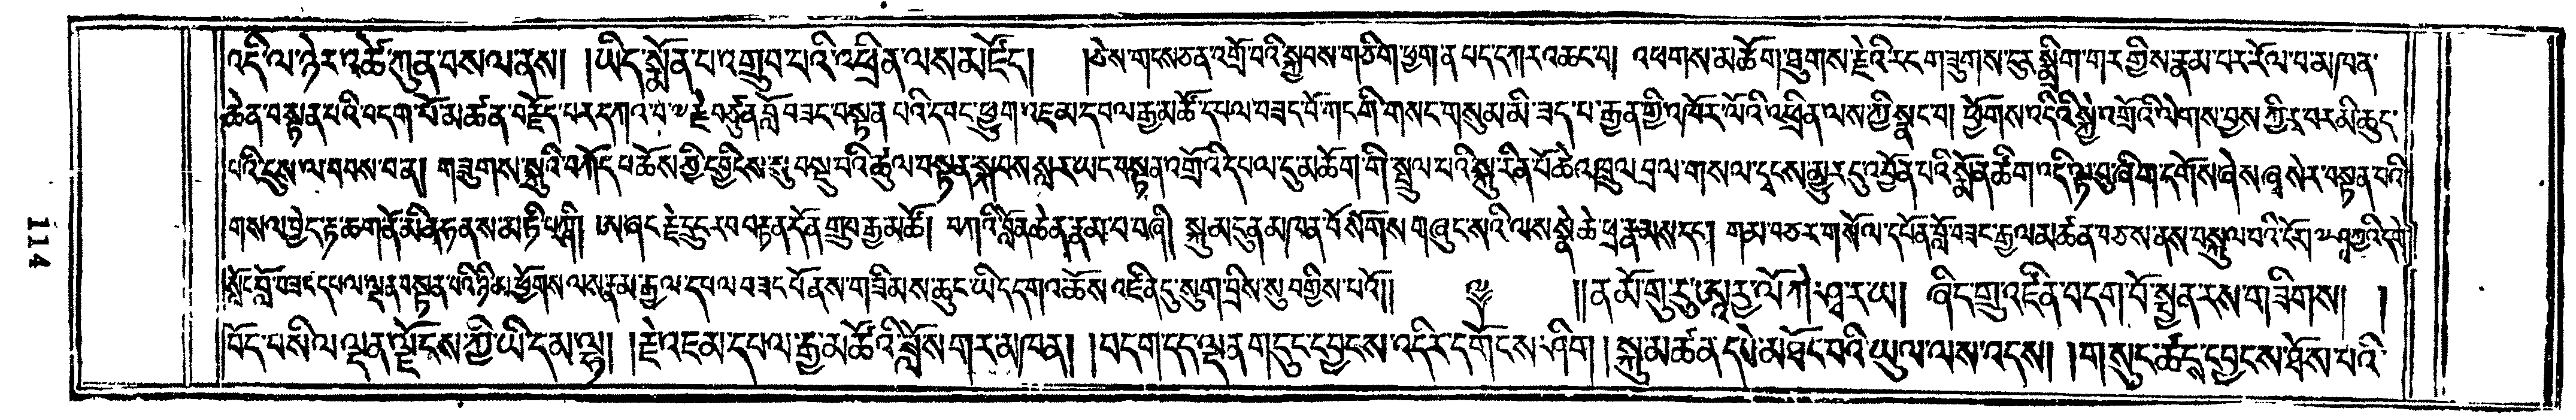འདི་ལ་ཉེར་འཚེ་ཀུན་བསལ་ནས། །ཡིད་སྨོན་པ་འགྲུབ་པའི་འཕྲིན་ལས་མཛོད། །ཅེས་གངས་ཅན་འགྲོ་བའི་སྐྱབས་གཅིག་ཕྱག་ན་པད་དཀར་འཆང་བ། འཕགས་མཆོག་ཐུགས་རྗེའི་རང་གཟུགས་ངུར་སྨྲིག་གར་གྱིས་རྣམ་པར་རོལ་པ་མཁན་
ཆེན་བསྟན་པའི་བདག་པོ་མཚན་བརྗོད་པར་དཀའ་བ་༧་རྗེ་བཙུན་བློ་བཟང་བསྟན་པའི་དབང་ཕྱུག་འཇམ་དཔལ་རྒྱ་མཚོ་དཔལ་བཟང་པོ་གང་གི་གསང་གསུམ་མི་ཟད་པ་རྒྱན་གྱི་འཁོར་ལོའི་འཕྲིན་ལས་ཀྱི་སྣང་བ། ཕྱོགས་འདིའི་སྐྱེ་འགྲོའི་ལེགས་བྱས་ཀྱི་རྭ་བར་མི་ཆུད་
པའི་དུས་ལ་བབས་བ་ན། གཟུགས་སྐུའི་བཀོད་པ་ཆོས་ཀྱི་དབྱིངས་སུ་བསྡུ་བའི་ཚུལ་བསྟན་སྐབས་སླར་ཡང་བསྟན་འགྲོའི་དཔལ་དུ་མཆོག་གི་སྤྲུལ་པའི་སྐུ་རིན་པོ་ཆེ་འཁྲུལ་བྲལ་གསལ་དྭངས་མྱུར་དུ་འབྱོན་པའི་སྨོན་ཚིག་འདི་ལྟ་བུ་ཞིག་དགོས་ཞེས་ཞྭ་སེར་བསྟན་པའི་
གསལ་བྱེད་རྟ་ཆག་ནོ་མིན་ཧ་ནས་མ་ཏི་པཀྵི། ཨ་ཞང་རྗེ་དྲུང་རབ་བརྟན་དོན་གྲུབ་རྒྱ་མཚོ། བཀའི་བློན་ཆེན་རྣམ་པ་བཞི། སྐུ་མདུན་མཁན་པོ་སོགས་གཞུང་སའི་ལས་སྣེ་ཆེ་ཕྲ་རྣམས་དང་། གམ་བཅར་གསོལ་དཔོན་བློ་བཟང་རྒྱལ་མཚན་བཅས་ནས་བསྐུལ་བའི་ངོར། ༧་ཤཱཀྱའི་དགེ་
སློང་བློ་བཟང་དཔལ་ལྡན་བསྟན་པའི་ཉི་མ་ཕྱོགས་ལས་རྣམ་རྒྱལ་དཔལ་བཟང་པོ་ནས་གཟིམས་ཆུང་ཡིད་དགའ་ཆོས་འཛིན་དུ་སུག་བྲིས་སུ་བགྱིས་པའོ།། ༈ །།ན་མོ་གུ་རུ་ཨཱརྱ་ལོ་ཀེ་ཤྭ་ར་ཡ། ཞིང་གྲུ་འཛིན་བདག་པོ་སྤྱན་རས་གཟིགས། །
བོད་བསིལ་ལྡན་ལྗོངས་ཀྱི་ཡི་དམ་ལྷ། །རྗེ་འཇམ་དཔལ་རྒྱ་མཚོའི་ཟློས་གར་མཁན། །བདག་དང་ལྡན་གདུང་དབྱངས་འདིར་དགོངས་ཤིག །སྐུ་མཚན་དཔེ་མཐོང་བའི་ཡུལ་ལས་འདས། །གསུང་ཚངས་དབྱངས་ཐོས་པའི་